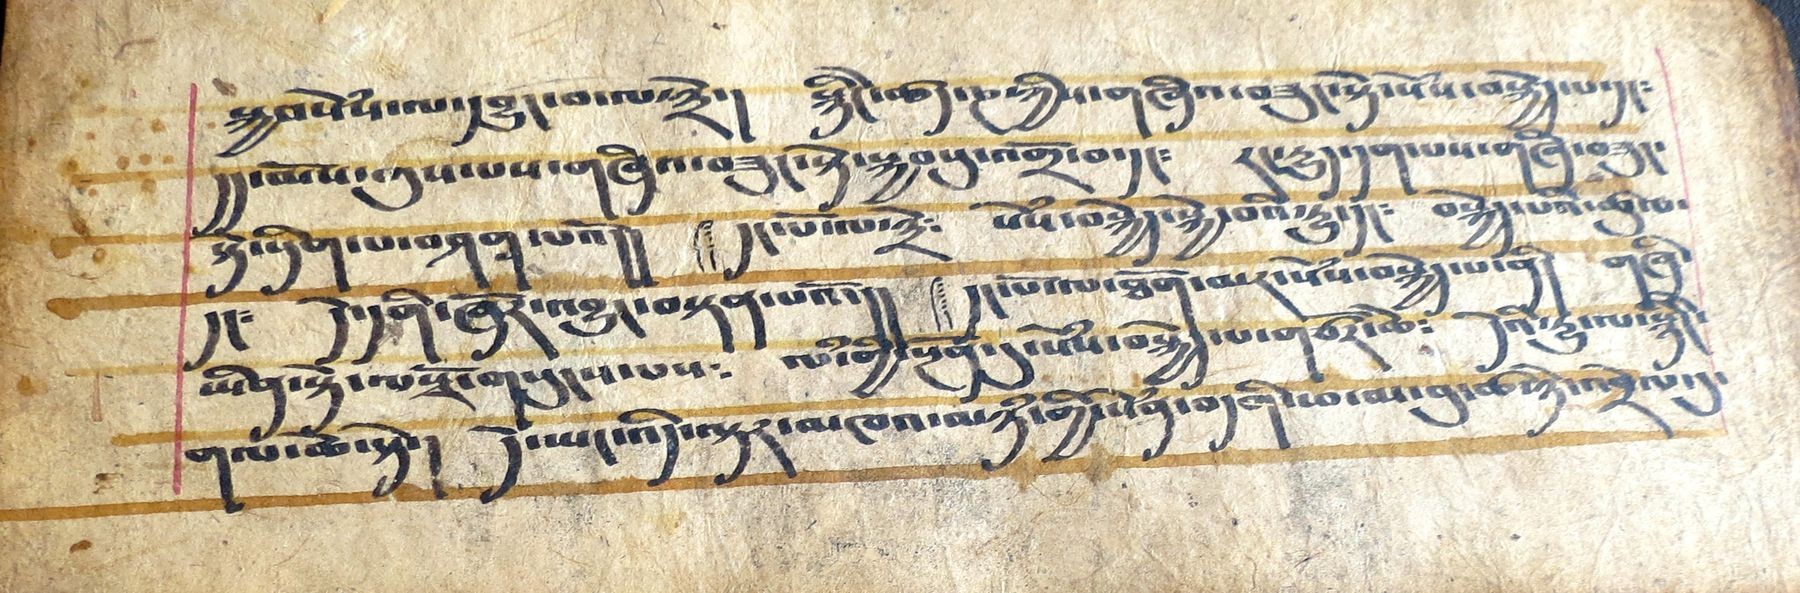སྐྱབས་སེམས་ལ་དབྱུང་བ་ལ་གསུམ་སྟེ། སྙིང་རྗེ་ཚད་མེད་ཀྱིས་གཞི་བཟུང་སྟེ་སེམས་བསྐྱེད་པ་དང་། 
དད་མོས་གུས་པས་གཞི་བཟུང་སྟེ་སྐྱབས་སུ་འགྲོ་བ་དང་། རང་རྒྱུད་དག་པས་གཞི་བཟུང་
སྟེ་སྡིག་པ་བཤགས་པའོ། དང་པོ་༼སྙིང་རྗེ་ཚད་མེད༽ལ་གསུམ་ཏེ། སེམས་བསྐྱེད་སྐྱེ་བའི་རྒྱུ་དང་། སེམས་བསྐྱེད་པའི་ཚུལ་
དང་། དེ་དག་གི་ཞོར་འབྱུང་བསྟན་པའོ། དང་པོ་སྐྱེ་བའི་རྒྱུ་ལ་ཐོག་མར་སེམས་བསྐྱེད་པ་ནི། གཞི་
ཡིན་ཏེ་ལ་སོགས་གསུངས། ལམ་གྱི་སྔོན་དུ་སེམས་བསྐྱེད་པ་གཙོ། དེ་ཡི་རྒྱུ་ལ་སྙིང་རྗེ་
གལ་ཆེ་སྟེ། དེ་ཡང་འདི་ལྟར་མཁའ་མཉམ་གྱི་སེམས་ཅན་བདག་གི་ཕ་མ་བུ་ཚ་ཉེ་འབྲེལ་དུ་